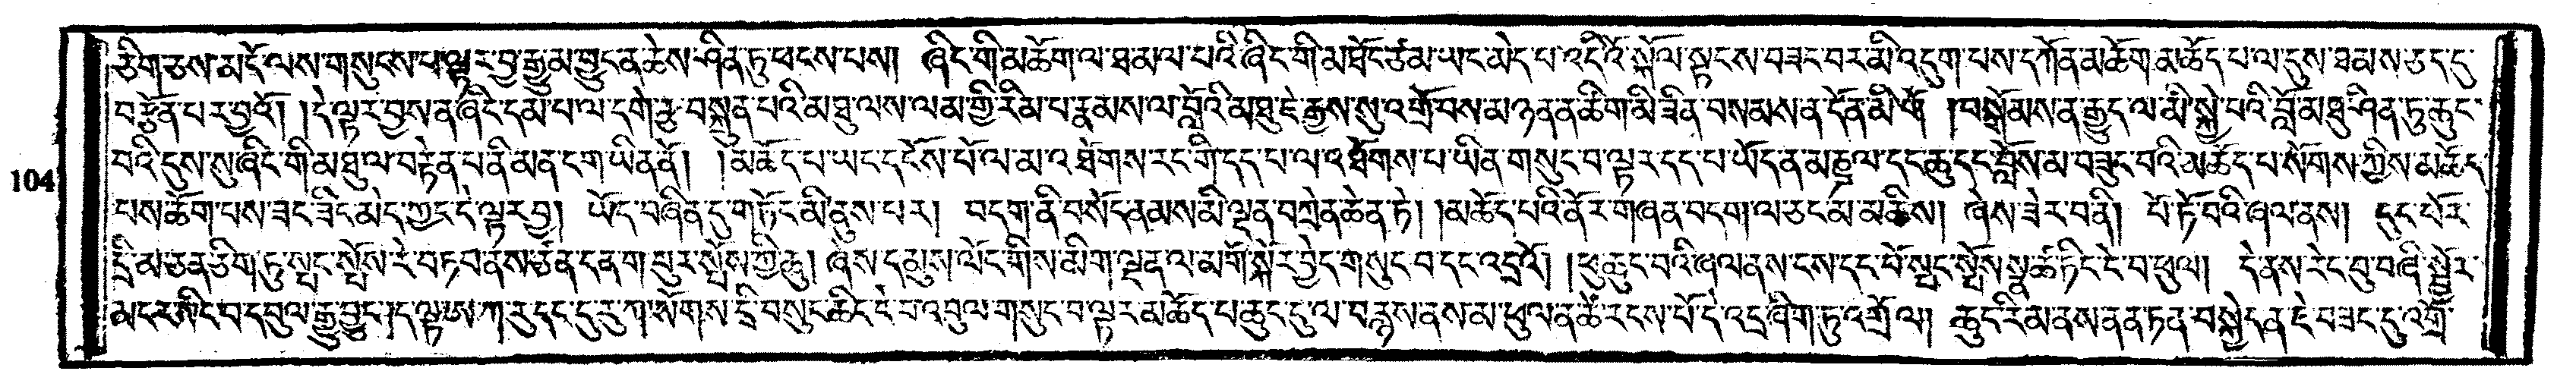ཅིག་ཅས་མདོ་ལས་གསུངས་པ་ལྟར་བྱ་རྒྱུ་མ་བྱུང་ན་ཆེས་ཤིན་ཏུ་ཕངས་པས། ཞིང་གི་མཆོག་ལ་ཐ་མལ་པའི་ཞིང་གི་མཐོང་ཙམ་ཡང་མེད་པ་འདིའོ་སྐོལ་སྟངས་བཟང་བར་མི་འདུག་པས་དཀོན་མཆོག་མཆོད་པ་ལ་དུས་ཐམས་ཅད་དུ་
བརྩོན་པར་བྱའོ། །དེ་ལྟར་བྱས་ན་ཞིང་དམ་པ་ལ་དགེ་རྩ་བསྐྲུན་པའི་མཐུ་ལས་ལམ་གྱི་རིམ་པ་རྣམས་ལ་བློའི་མཐུ་ཇེ་རྒྱས་སུ་འགྲོ་བས་མཉན་ན་ཚིག་མི་ཟིན་བསམས་ན་དོན་མི་གོ །བསྒོམས་ན་རྒྱུད་ལ་མི་སྐྱེ་བའི་བློ་མཐུ་ཤིན་ཏུ་ཆུང་
བའི་དུས་སུ་ཞིང་གི་མཐུ་ལ་བརྟེན་པ་ནི་མན་ངག་ཡིན་ནོ། །མཆོད་པ་ཡང་དངོས་པོ་ལ་མ་འཐོགས་རང་གི་དད་པ་ལ་འཐོགས་པ་ཡིན་གསུང་བ་ལྟར་དད་པ་ཡོད་ན་མཎྜལ་དང་ཆུ་དང་བློས་མ་བཟུང་བའི་མཆོད་པ་སོགས་ཀྱིས་མཆོད་
པས་ཆོག་པས་ཟང་ཟིང་མེད་ཀྱང་དེ་ལྟར་བྱ། ཡོད་བཞིན་དུ་གཏོང་མི་ནུས་པར། བདག་ནི་བསོད་ནམས་མི་ལྡན་བཀྲེན་ཆེན་ཏེ། །མཆོད་པའི་ནོར་གཞན་བདག་ལ་ཅང་མ་མཆིས། ཞེས་ཟེར་བ་ནི། པོ་ཏོ་བའི་ཞལ་ནས། དུང་པོར་
དྲི་མ་ཅན་ཅིག་ཏུ་སྤང་སྤོས་རེ་བཏབ་ནས་ཙན་དན་ག་པུར་སྤོས་ཀྱི་ཆུ། ཞེས་དམུས་ལོང་གིས་མིག་ལྡན་ལ་མགོ་སྐོར་བྱེད་གསུང་བ་དང་འདྲའོ། །ཕུ་ཆུང་བའི་ཞལ་ནས་ངས་དང་པོ་སྤང་སྤོས་སྣ་ཚ་ཏིང་ངེ་བ་ཕུལ། དེ་ནས་རེང་བུ་བཞི་སྦྱོར་
མངར་སིང་བ་དབུལ་རྒྱུ་བྱུང་། ད་ལྟ་ཨ་ཀ་རུ་དང་དུ་རུ་ཀ་སོགས་དྲི་བསུང་ཆིང་དེ་བ་འབུལ་གསུང་བ་ལྟར་མཆོད་པ་ཆུང་དུ་ལ་བརྙས་ནས་མ་ཕུལ་ན་ཚེ་རངས་པོ་དེ་འདྲ་ཞིག་ཏུ་འགྲོ་ལ། ཆུང་རིམ་ནས་ནན་ཏན་བསྐྱེད་ན་ཇེ་བཟང་དུ་འགྲོ་